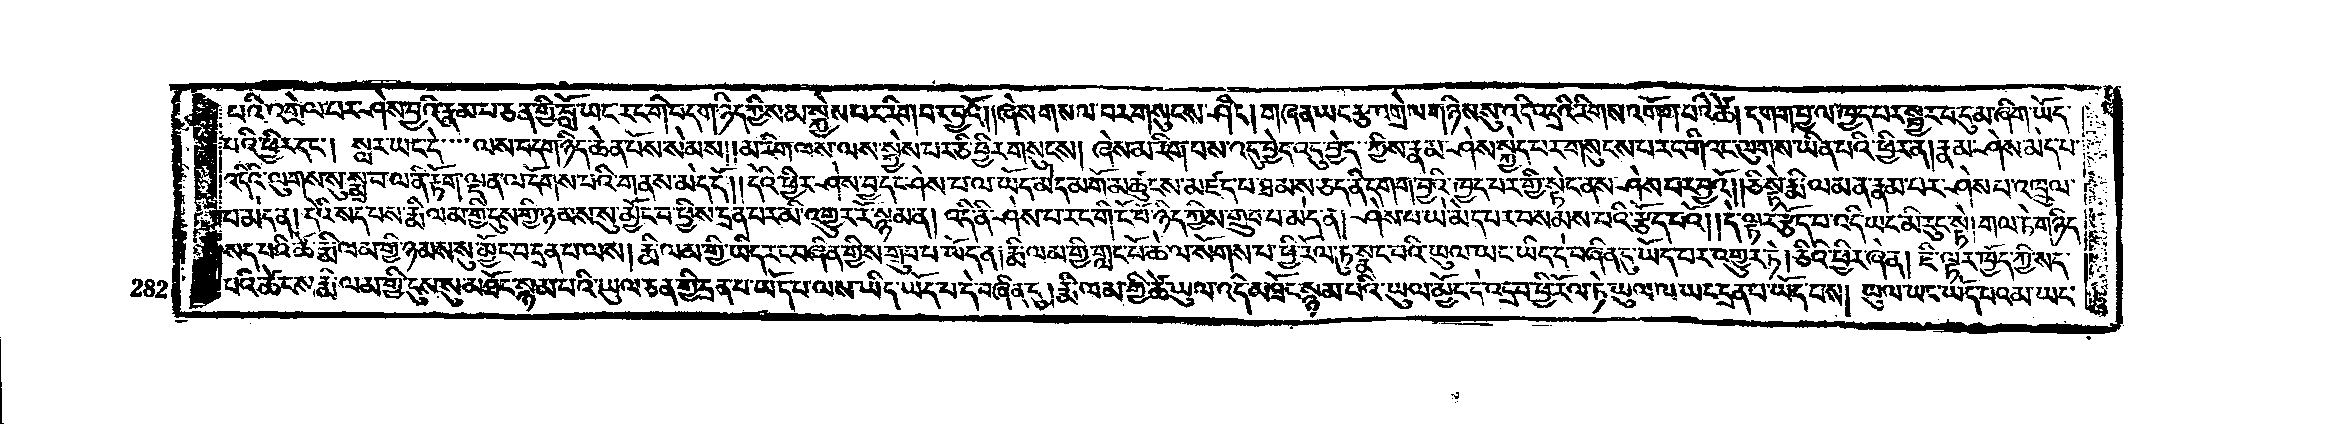པའི་འགྲེལ་པར་ཤེས་བྱའི་རྣམ་པ་ཅན་གྱི་བློ་ཡང་རང་གི་བདག་ཉིད་ཀྱིས་མ་སྐྱེས་པར་རིག་པར་བྱའོ། །ཞེས་གསལ་བར་གསུངས་ཤིང་། གཞན་ཡང་རྩ་འགྲེལ་གཉིས་སུ་འདི་འདྲའི་རིགས་འགོག་པའི་ཚེ། དགག་བྱ་ལ་ཁྱད་པར་སྦྱར་བ་དུ་མ་ཞིག་ཡོད་
པའི་ཕྱིར་དང་། སླར་ཡང་དེ་ལས་བདག་ཉིད་ཆེན་པོས་སེམས། །མ་རིག་ལས་ལས་སྐྱེས་པར་ཅི་ཕྱིར་གསུངས། ཞེས་མ་རིག་པས་འདུ་བྱེད་འདུ་བྱེད་ཀྱིས་རྣམ་ཤེས་སྐྱེད་པར་གསུངས་པ་རང་གིའང་ལུགས་ཡིན་པའི་ཕྱིར་ན། རྣམ་ཤེས་མེད་པ་
འདིའི་ལུགས་སུ་སྨྲ་བ་ལ་ནི་རྟོག་ལྡན་ལ་དོགས་པའི་གནས་མེད་དོ། །དེའི་ཕྱིར་ཤེས་བྱ་དང་ཤེས་པ་ལ་ཡོད་མེད་མགོ་མཚུངས་མཛད་པ་ཐམས་ཅད་ནི་དགག་བྱའི་ཁྱད་པར་གྱི་སྟེང་ནས་ཤེས་པར་བྱའོ། །ཅི་སྟེ་རྨི་ལམ་ན་རྣམ་པར་ཤེས་པ་འཁྲུལ་
པ་མེད་ན། དེའི་སད་པས་རྨི་ལམ་གྱི་དུས་གྱི་ཉམས་སུ་མྱོང་བ་ཕྱིས་དྲན་པར་མི་འགྱུར་རོ་སྙམ་ན། འདི་ནི་ཤེས་པ་རང་གི་ངོ་བོ་ཉིད་ཀྱིས་གྲུབ་པ་མེད་ན། ཤེས་པ་ཡེ་མེད་པར་བསམས་པའི་རྩོད་པའོ། །དེ་ལྟར་རྩོད་པ་འདི་ཡང་མི་རུང་སྟེ། གལ་ཏེ་གཉིད་
སད་པའི་ཚེ་རྨི་ལམ་གྱི་ཉམས་སུ་མྱོང་བ་དྲན་པ་ལས། རྨི་ལམ་གྱི་ཡིད་རང་བཞིན་གྱིས་གྲུབ་པ་ཡོད་ན། རྨི་ལམ་གྱི་གླང་པོ་ཆེ་ལ་སོགས་པ་ཕྱི་རོལ་ཏུ་སྣང་བའི་ཡུལ་ཡང་ཡིད་དེ་བཞིན་དུ་ཡོད་པར་འགྱུར་ཏེ། ཅིའི་ཕྱིར་ཞེ་ན། ཇི་ལྟར་ཁྱོད་ཀྱི་སད་
པའི་ཚེ་ངས་རྨི་ལམ་གྱི་དུས་སུ་མཐོང་སྙམ་པའི་ཡུལ་ཅན་གྱི་དྲན་པ་ཡོད་པ་ལས་ཡིད་ཡོད་པ་དེ་བཞིན་དུ། རྨི་ལམ་གྱི་ཚེ་ཡུལ་འདི་མཐོང་སྙམ་པའི་ཡུལ་མྱོང་དེ་འདྲ་བ་ཕྱི་རོལ་ཏེ་ཡུལ་ལ་ཡང་དྲན་པ་ཡོད་པས། ཡུལ་ཡང་ཡོད་པའམ་ཡང་